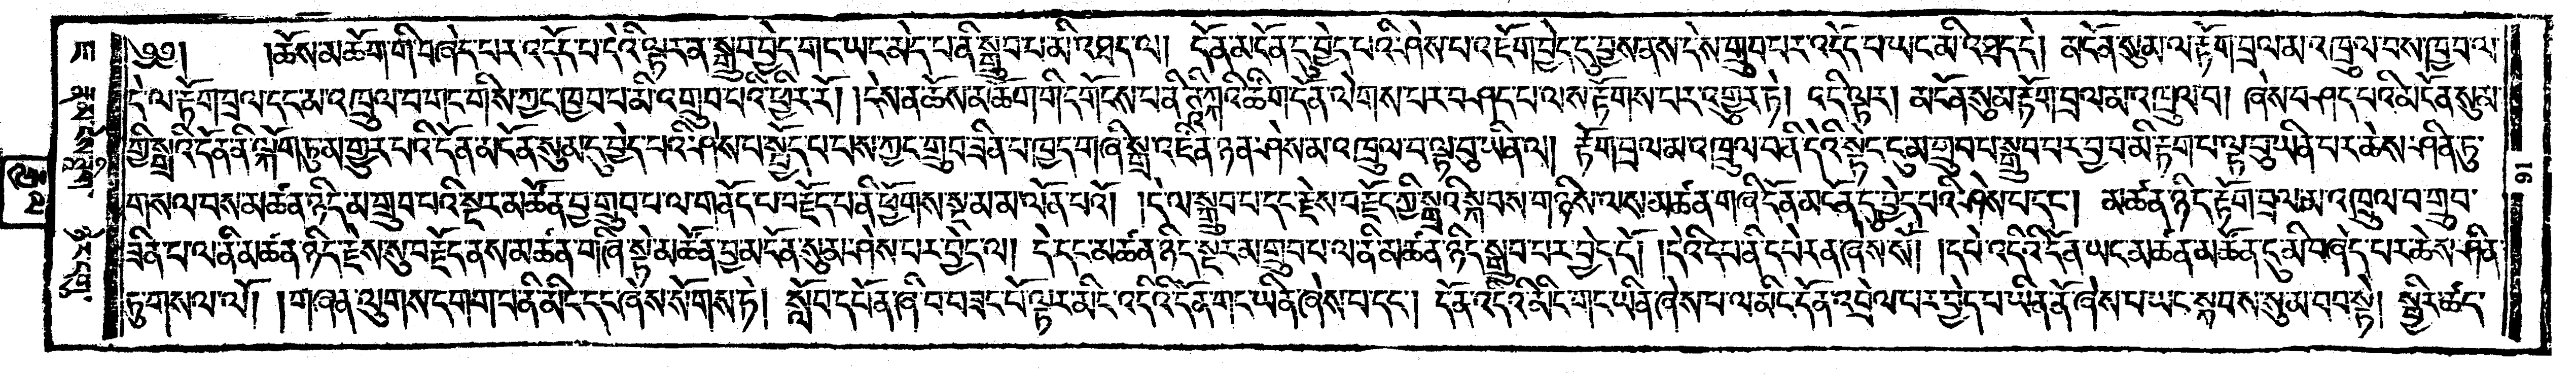༄༅། །ཆོས་མཆོག་གི་བཞེད་པར་འདོད་པ་དེའི་ལྟར་ན་སྒྲུབ་བྱེད་གང་ཡང་མེད་པ་ནི་སྒྲུབ་པ་མི་འཐད་ལ། དོན་མངོན་དུ་བྱེད་པའི་ཤེས་པ་འཇོག་བྱེད་དུ་བྱས་ནས་དེས་གྲུབ་པར་འདོད་པ་ཡང་མི་འཐད་དེ། མངོན་སུམ་ལ་རྟོག་བྲལ་མ་འཁྲུལ་བས་ཁྱབ་ལ་
དེ་ལ་རྟོག་བྲལ་དང་མ་འཁྲུལ་བ་གང་གིས་ཀྱང་ཁྱབ་པ་མི་འགྲུབ་པའི་ཕྱིར་རོ། །དེས་ན་ཆོས་མཆོག་གི་དགོངས་པ་ནི་ཊཱིཀྐའི་ཚིག་དོན་ལེགས་པར་བཤད་པ་ལས་རྟོགས་པར་འགྱུར་ཏེ། འདི་ལྟར། མངོན་སུམ་རྟོག་བྲལ་མ་འཁྲུལ་བ། ཞེས་བཤད་པའི་མངོན་སུམ་
གྱི་སྒྲའི་དོན་ནི་ལྐོག་ཏུ་མ་གྱུར་པའི་དོན་མངོན་སུམ་དུ་བྱེད་པའི་ཤེས་པ་སྤྱོད་པ་པས་ཀྱང་གྲུབ་ཟིན་པ་ཁྱད་གཞི་སྒྲ་འཛིན་ཉན་ཤེས་མ་འཁྲུལ་བ་ལྟ་བུ་ཡིན་ལ། རྟོག་བྲལ་མ་འཁྲུལ་བ་ནི་དེའི་སྟེང་དུ་མ་གྲུབ་པ་སྒྲུབ་པར་བྱ་བ་མི་རྟག་པ་ལྟ་བུ་ཡིན་པར་ཆེས་ཤིན་ཏུ་
གསལ་བས་མཚན་ཉིད་མ་གྲུབ་པའི་སྔར་མཚོན་བྱ་གྲུབ་པ་ལ་གནོད་པ་བརྗོད་པ་ནི་ཕྱོགས་སྔ་མ་མ་ལོན་པའོ། །དེ་ལ་སྒྲུབ་པ་དང་རྗེས་བརྗོད་ཀྱི་སྒྲའི་སྐབས་གཉིས་ལས་མཚན་གཞི་དོན་མངོན་དུ་བྱེད་པའི་ཤེས་པ་དང་། མཚན་ཉིད་རྟོག་བྲལ་མ་འཁྲུལ་བ་གྲུབ་
ཟིན་པ་ལ་ནི་མཚན་ཉིད་རྗེས་སུ་བརྗོད་ནས་མཚན་གཞི་སྟེ་མཚོན་བྱ་མངོན་སུམ་ཤེས་པར་བྱེད་ལ། དེ་དང་མཚན་ཉིད་སྔར་མ་གྲུབ་པ་ལ་ནི་མཚན་ཉིད་སྒྲུབ་པར་བྱེད་དོ། །དེའི་དཔེ་ནི་དཔེར་ན་ཞེས་སོ། །དཔེ་འདིའི་དོན་ཡང་མཚན་མཚོན་དུ་མི་བཞེད་པར་ཆེས་ཤིན་
ཏུ་གསལ་ལོ། །གཞན་ལུགས་དགག་པ་ནི་མིང་དང་ཞེས་སོགས་ཏེ། སློབ་དཔོན་ཞི་བ་བཟང་པོ་ལྟར་མིང་འདིའི་དོན་གང་ཡིན་ཞེས་པ་དང་། དོན་འདིའི་མིང་གང་ཡིན་ཞེས་པ་ལ་མིང་དོན་འབྲེལ་པར་བྱེད་པ་ཡིན་ནོ་ཞེས་པ་ཡང་སྐབས་སུ་མ་བབ་སྟེ། སྤྱིར་ཚད་